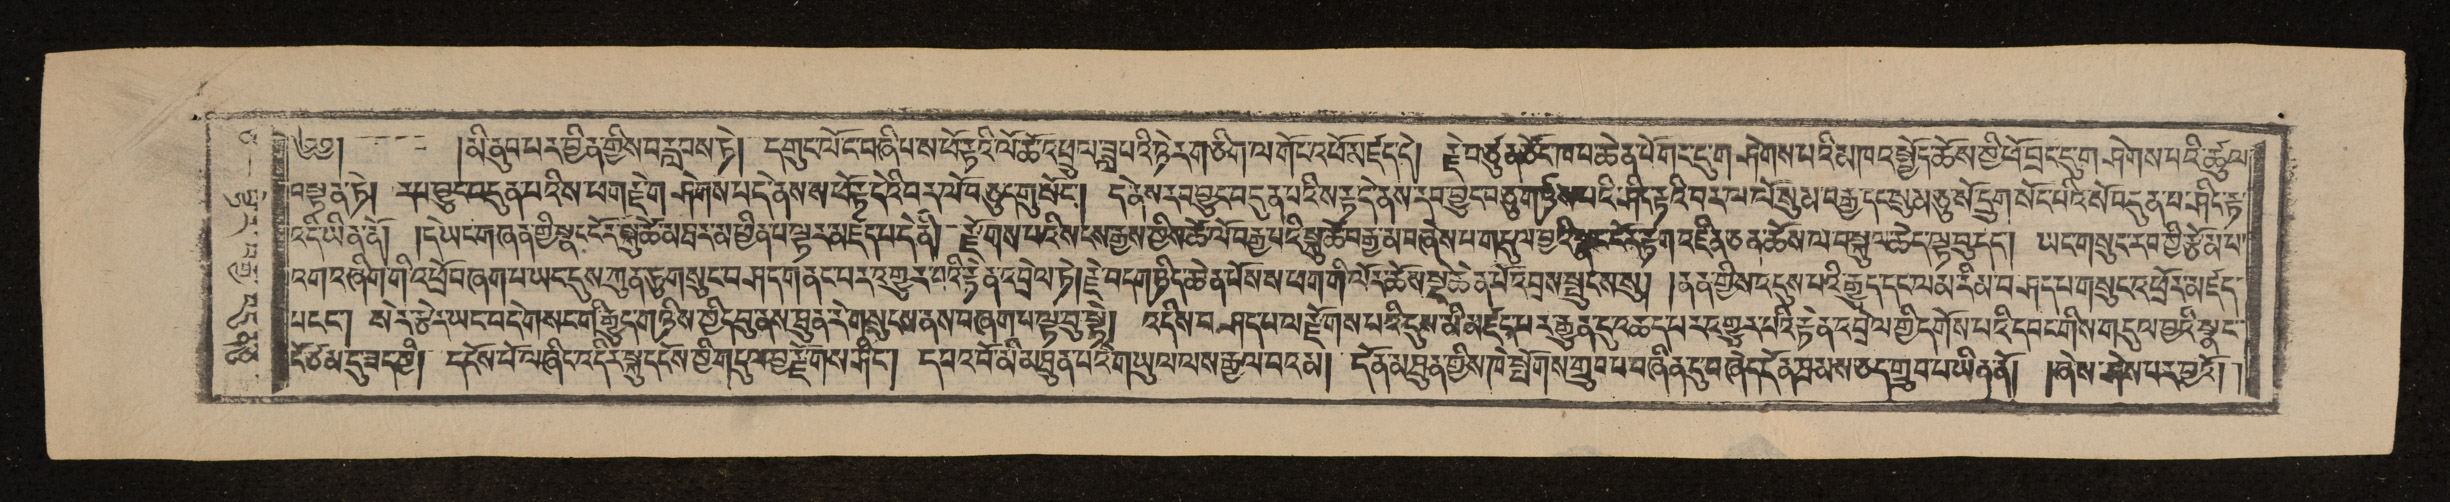༄༅། །མི་ནུབ་པར་བྱིན་གྱིས་བརླབས་ཏེ། དགུང་ལོ་ང་བཞི་བས་ཕོ་རྟའི་ལོ་ཆོ་འཕྲུལ་ཟླ་བའི་ཉེར་གཅིག་ལ་གོང་འཕོ་མཛད་དེ། རྗེ་བཙུན་ཙོང་ཁ་བ་ཆེན་པོ་གང་དུ་གཤགས་པའི་མཁའ་སྤྱོད་ཆོས་ཀྱི་ཕོ་བྲང་དུ་གཤེགས་པའི་ཚུལ་
བསྟན་ཏེ། རབ་བྱུང་བདུན་པའི་ས་ཕག་རྗེ་གཤེགས་པ་དེ་ནས་ས་ཕོ་རྟ་དེའི་བར་ལོ་བཅུ་དགུ་སོང་། དེ་ནས་རབ་བྱུང་བདུན་པའི་སརྟ་དེ་ནས་རབ་བྱུང་བཅུ་གཉིས་པའི་ཤིང་རྟའི་བར་ལ་ལོ་སུམ་བརྒྱ་དང་སུམ་ཅུ་སོ་དྲུག་སོང་བའི་སོ་བདུན་པ་ཤིང་རྟ་
འདི་ཡིན་ནོ། །དེ་ཡང་གཞན་གྱི་སྣང་ངོར་སྐུ་ཚེ་མཐར་མ་ཕྱིན་པ་ལྟར་མཛད་པ་དེ་ནི། རྫོགས་པའི་སངས་རྒྱས་ཀྱིས་ཚེ་ལོ་བརྒྱ་བའི་སྐུ་ཚེ་བརྒྱ་མ་བཞེས་པ་གདུལ་བྱའི་སྣང་ངོར་རྟག་འཛིན་ཅན་ཆོས་ལ་བསྐུལ་ཆེད་ལྟ་བུ་དང་། ཡང་གསུང་རབ་ཀྱི་རྩོམ་པ་
འགའ་ཞིག་གི་འཕྲོ་བཞག་པ་ཡང་དུས་ཀུན་ཏུ་གསུང་བཤད་གནང་བར་འགྱུར་བའི་རྟེན་འབྲེལ་ཏེ། རྗེ་བདག་ཉིད་ཆེན་པོས་ས་ཕག་གི་ལོར་ཆོས་སྡེ་ཆེན་པོ་འབྲས་སྤུངས་སུ། ནན་གྱིས་འདུས་པའི་རྒྱུད་དང་ལམ་རིམ་བཤད་པ་གསུང་འཕྲོར་མཛད་
པ་དང་། སེར་རྩེར་ཡང་བདེ་གསང་གི་རྒྱུད་གཉིས་ཀྱི་དབུ་ནས་ཐུན་རེ་གསུངས་ནས་བཞག་པ་ལྟ་བུ་སྟེ། འདིས་བཤད་པ་ལ་རྫོགས་པའི་དུས་མི་མཛད་པར་རྒྱུན་དུ་འཆད་པར་འགྱུར་བའི་རྟེན་འབྲེལ་གྱི་དགོས་པའི་དབང་གིས་གདུལ་བྱའི་སྣང་
ངོ་ཙམ་དུ་ཟད་ཀྱི། དངོས་པོ་ལ་ཞིང་འདིར་སྐུ་དངོས་ཀྱི་གདུལ་བྱ་རྫོགས་ཤིང་། དཔའ་བོ་མི་མཐུན་པའི་གཡུལ་ལས་རྒྱལ་བའམ། དོན་མཐུན་གྱིས་ཁེ་སྤོགས་གྲུབ་པ་བཞིན་དུ་བཞེད་དོན་ཐམས་ཅད་གྲུབ་པ་ཡིན་ནོ། །ཞེས་ཤེས་པར་བྱའོ། །